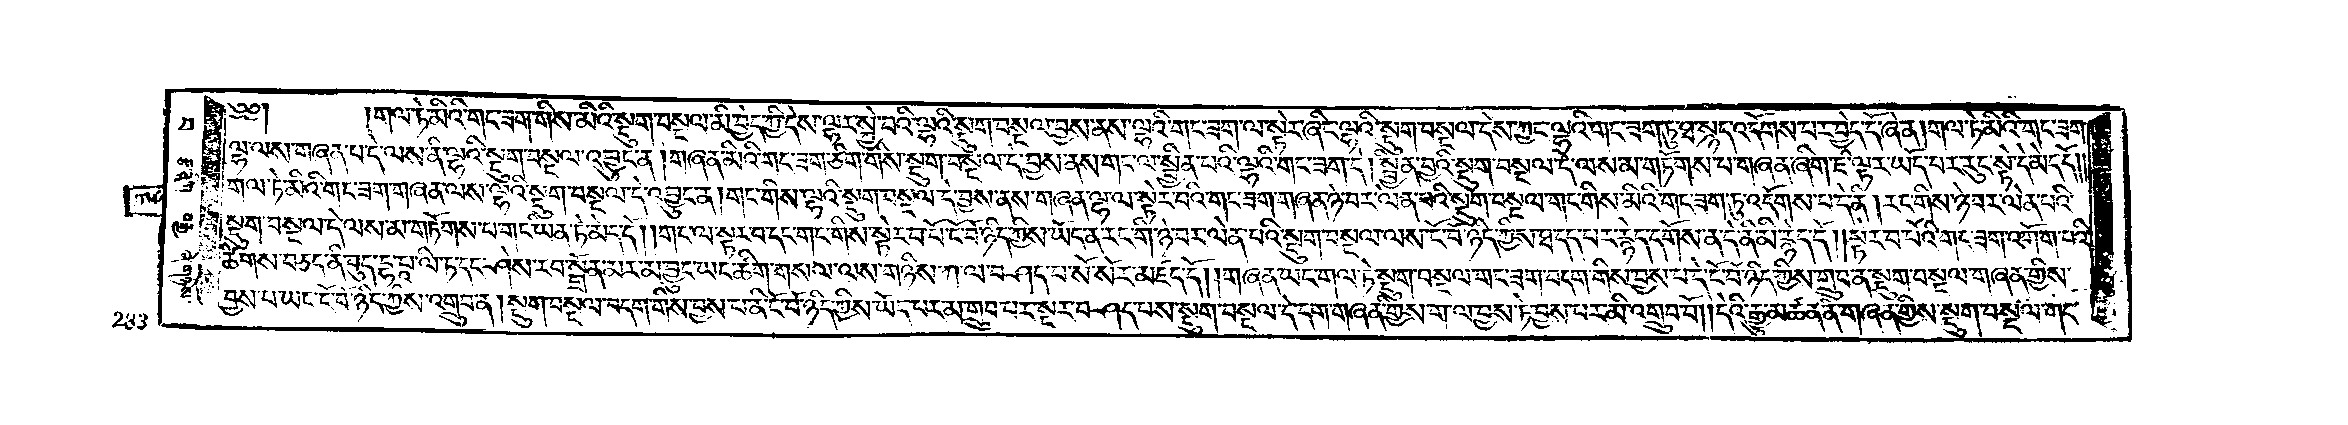༄༅། །གལ་ཏེ་མིའི་གང་ཟག་གིས་མིའི་སྡུག་བསྔལ་མི་བྱེད་ཀྱི་དེས་ལྷར་སྐྱེ་བའི་ལྷའི་སྡུག་བསྔལ་བྱས་ནས་ལྷའི་གང་ཟག་ལ་སྟེར་ཞིང་ལྷའི་སྡུག་བསྔལ་དེས་ཀྱང་ལྷའི་གང་ཟག་ཏུ་ཐ་སྙད་འདོགས་པར་བྱེད་དོ་ཞེ་ན། གལ་ཏེ་མིའི་གང་ཟག་
ལྷ་ལས་གཞན་པ་དེ་ལས་ནི་ལྷའི་སྡུག་བསྔལ་འབྱུང་ན། གཞན་མིའི་གང་ཟག་ཅིག་གིས་སྡུག་བསྔལ་དེ་བྱས་ནས་གང་ལ་སྦྱིན་པའི་ལྷའི་གང་ཟག་དེ། སྦྱིན་བྱའི་སྡུག་བསྔལ་དེ་ལས་མ་གཏོགས་པ་གཞན་ཞིག་ཇི་ལྟར་ཡོད་པར་རུང་སྟེ་དེ་མེད་དོ།།
གལ་ཏེ་མིའི་གང་ཟག་གཞན་ལས་ལྷའི་སྡུག་བསྔལ་དེ་འབྱུང་ན། གང་གིས་ལྷའི་སྡུག་བསྔལ་དེ་བྱས་ནས་གཞན་ལྷ་ལ་སྟེར་བའི་གང་ཟག་གཞན་ཉེ་བར་ལེན་པའི་སྡུག་བསྔལ་གང་གིས་མིའི་གང་ཟག་ཏུ་འདོགས་པ་དེ་ནི། རང་གིས་ཉེ་བར་ལེན་པའི་
སྡུག་བསྔལ་དེ་ལས་མ་གཏོགས་པ་གང་ཡིན་ཏེ་མེད་དོ། །གང་ལ་སྟེར་བ་དང་གང་གིས་སྟེར་བ་པོ་ངོ་བོ་ཉིད་ཀྱིས་ཡོད་ན་རང་གི་ཉེ་བར་ལེན་པའི་སྡུག་བསྔལ་ལས་ངོ་བོ་ཉིད་ཀྱིས་ཐ་དད་པར་རྙེད་དགོས་ན་དེ་ནི་མི་རྙེད་དོ། །སྟེར་བ་པོའི་གང་ཟག་འགོག་པའི་
ཚིགས་བཅད་ནི་བུད་དྷ་པཱ་ལི་ཏ་དང་ཤེས་རབ་སྒྲོན་མར་མ་བྱུང་ཡང་ཚིག་གསལ་ལས་གཉིས་ཀ་ལ་བཤད་པ་སོ་སོར་མཛད་དོ། །གཞན་ཡང་གལ་ཏེ་སྡུག་བསྔལ་གང་ཟག་བདག་གིས་བྱས་པ་དེ་ངོ་བོ་ཉིད་ཀྱིས་གྲུབ་ན་སྡུག་བསྔལ་གཞན་གྱིས་
བྱས་པ་ཡང་ངོ་བོ་ཉིད་ཀྱིས་འགྲུབ་ན། སྡུག་བསྔལ་བདག་གིས་བྱས་པ་ནི་ངོ་བོ་ཉིད་ཀྱིས་ཡོད་པར་མ་གྲུབ་པར་སྔར་བཤད་པས་སྡུག་བསྔལ་དེ་དག་གཞན་གྱིས་ག་ལ་བྱས་ཏེ་བྱས་པར་མི་འགྲུབ་བོ། །དེའི་རྒྱུ་མཚན་ནི་གཞན་གྱིས་སྡུག་བསྔལ་གང་